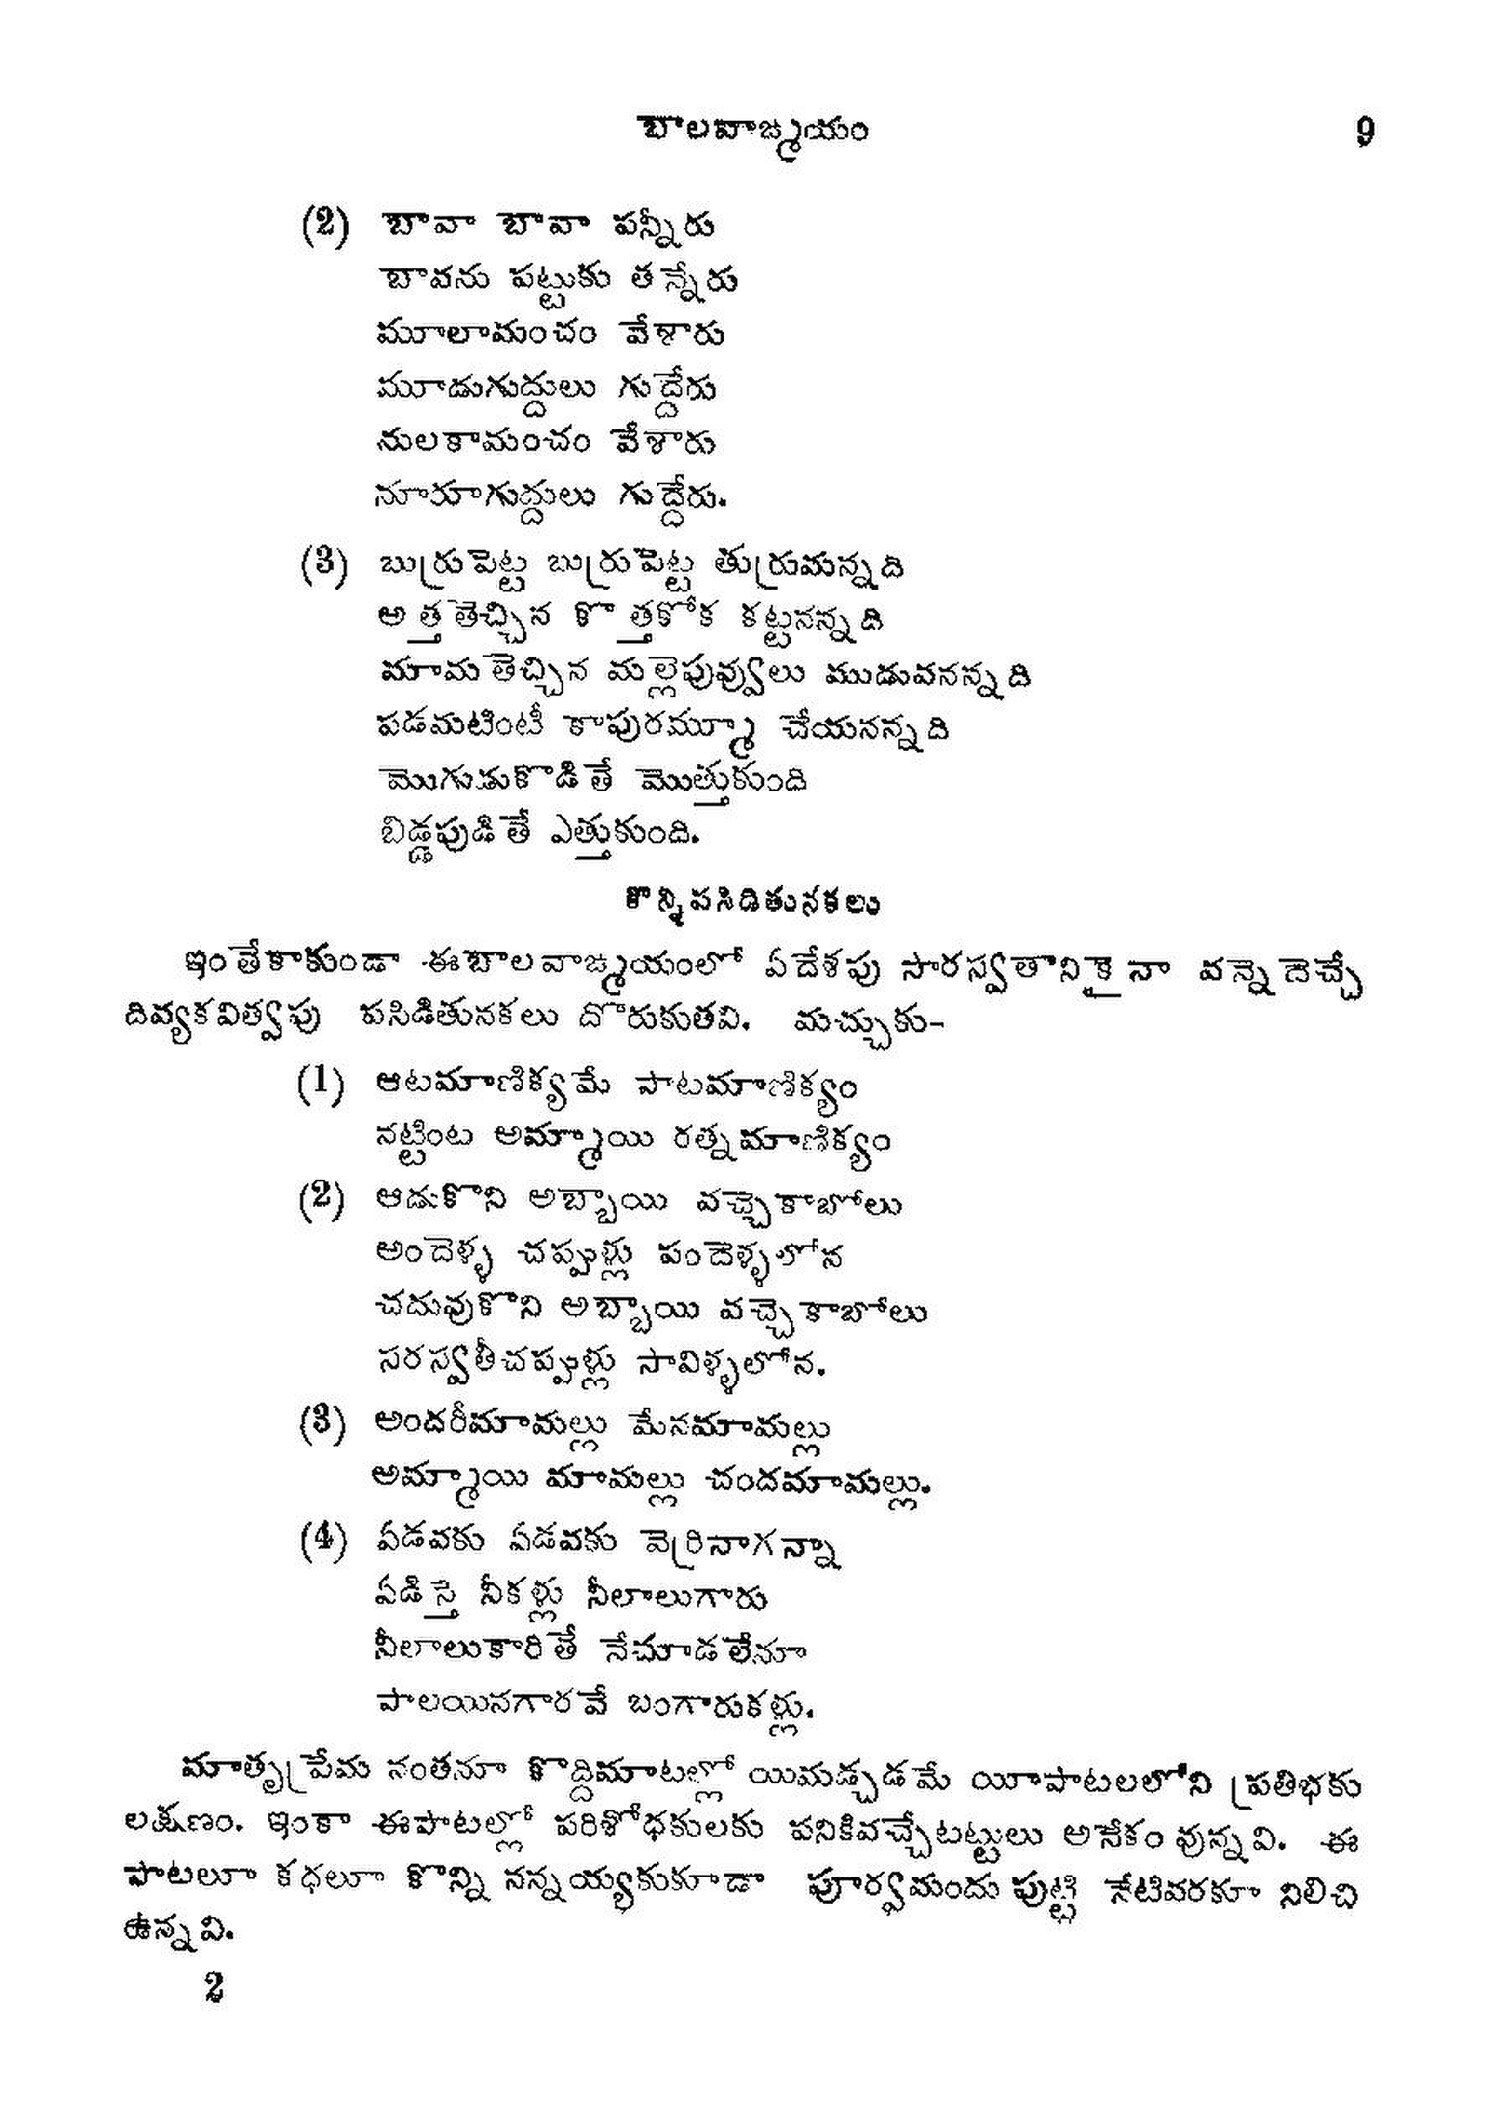ఇంతేకాకుండా ఈ బాలవాఙ్మయంలో ఏదేశపు సారస్వతానికైనా వన్నె దెచ్చే దివ్యకవిత్వపు పసిడితునకలు దొరుకుతవి. మచ్చుకు- 

మాతృప్రేమ నంతనూ కొద్దిమాటల్లో యిమడ్చడమే యీపాటలలోని ప్రతిభకు లక్షణం. 
ఇంకా ఈ పాటల్లో పరిశోధకులకు పనికివచ్చేటట్టులు అనేకం వున్నవి. ఈ పాటలూ కధలూ 
కొన్ని నన్నయ్యకుకూడా పూర్వమందు పుట్టి నేటివరకూ నిలిచి ఉన్నవి.